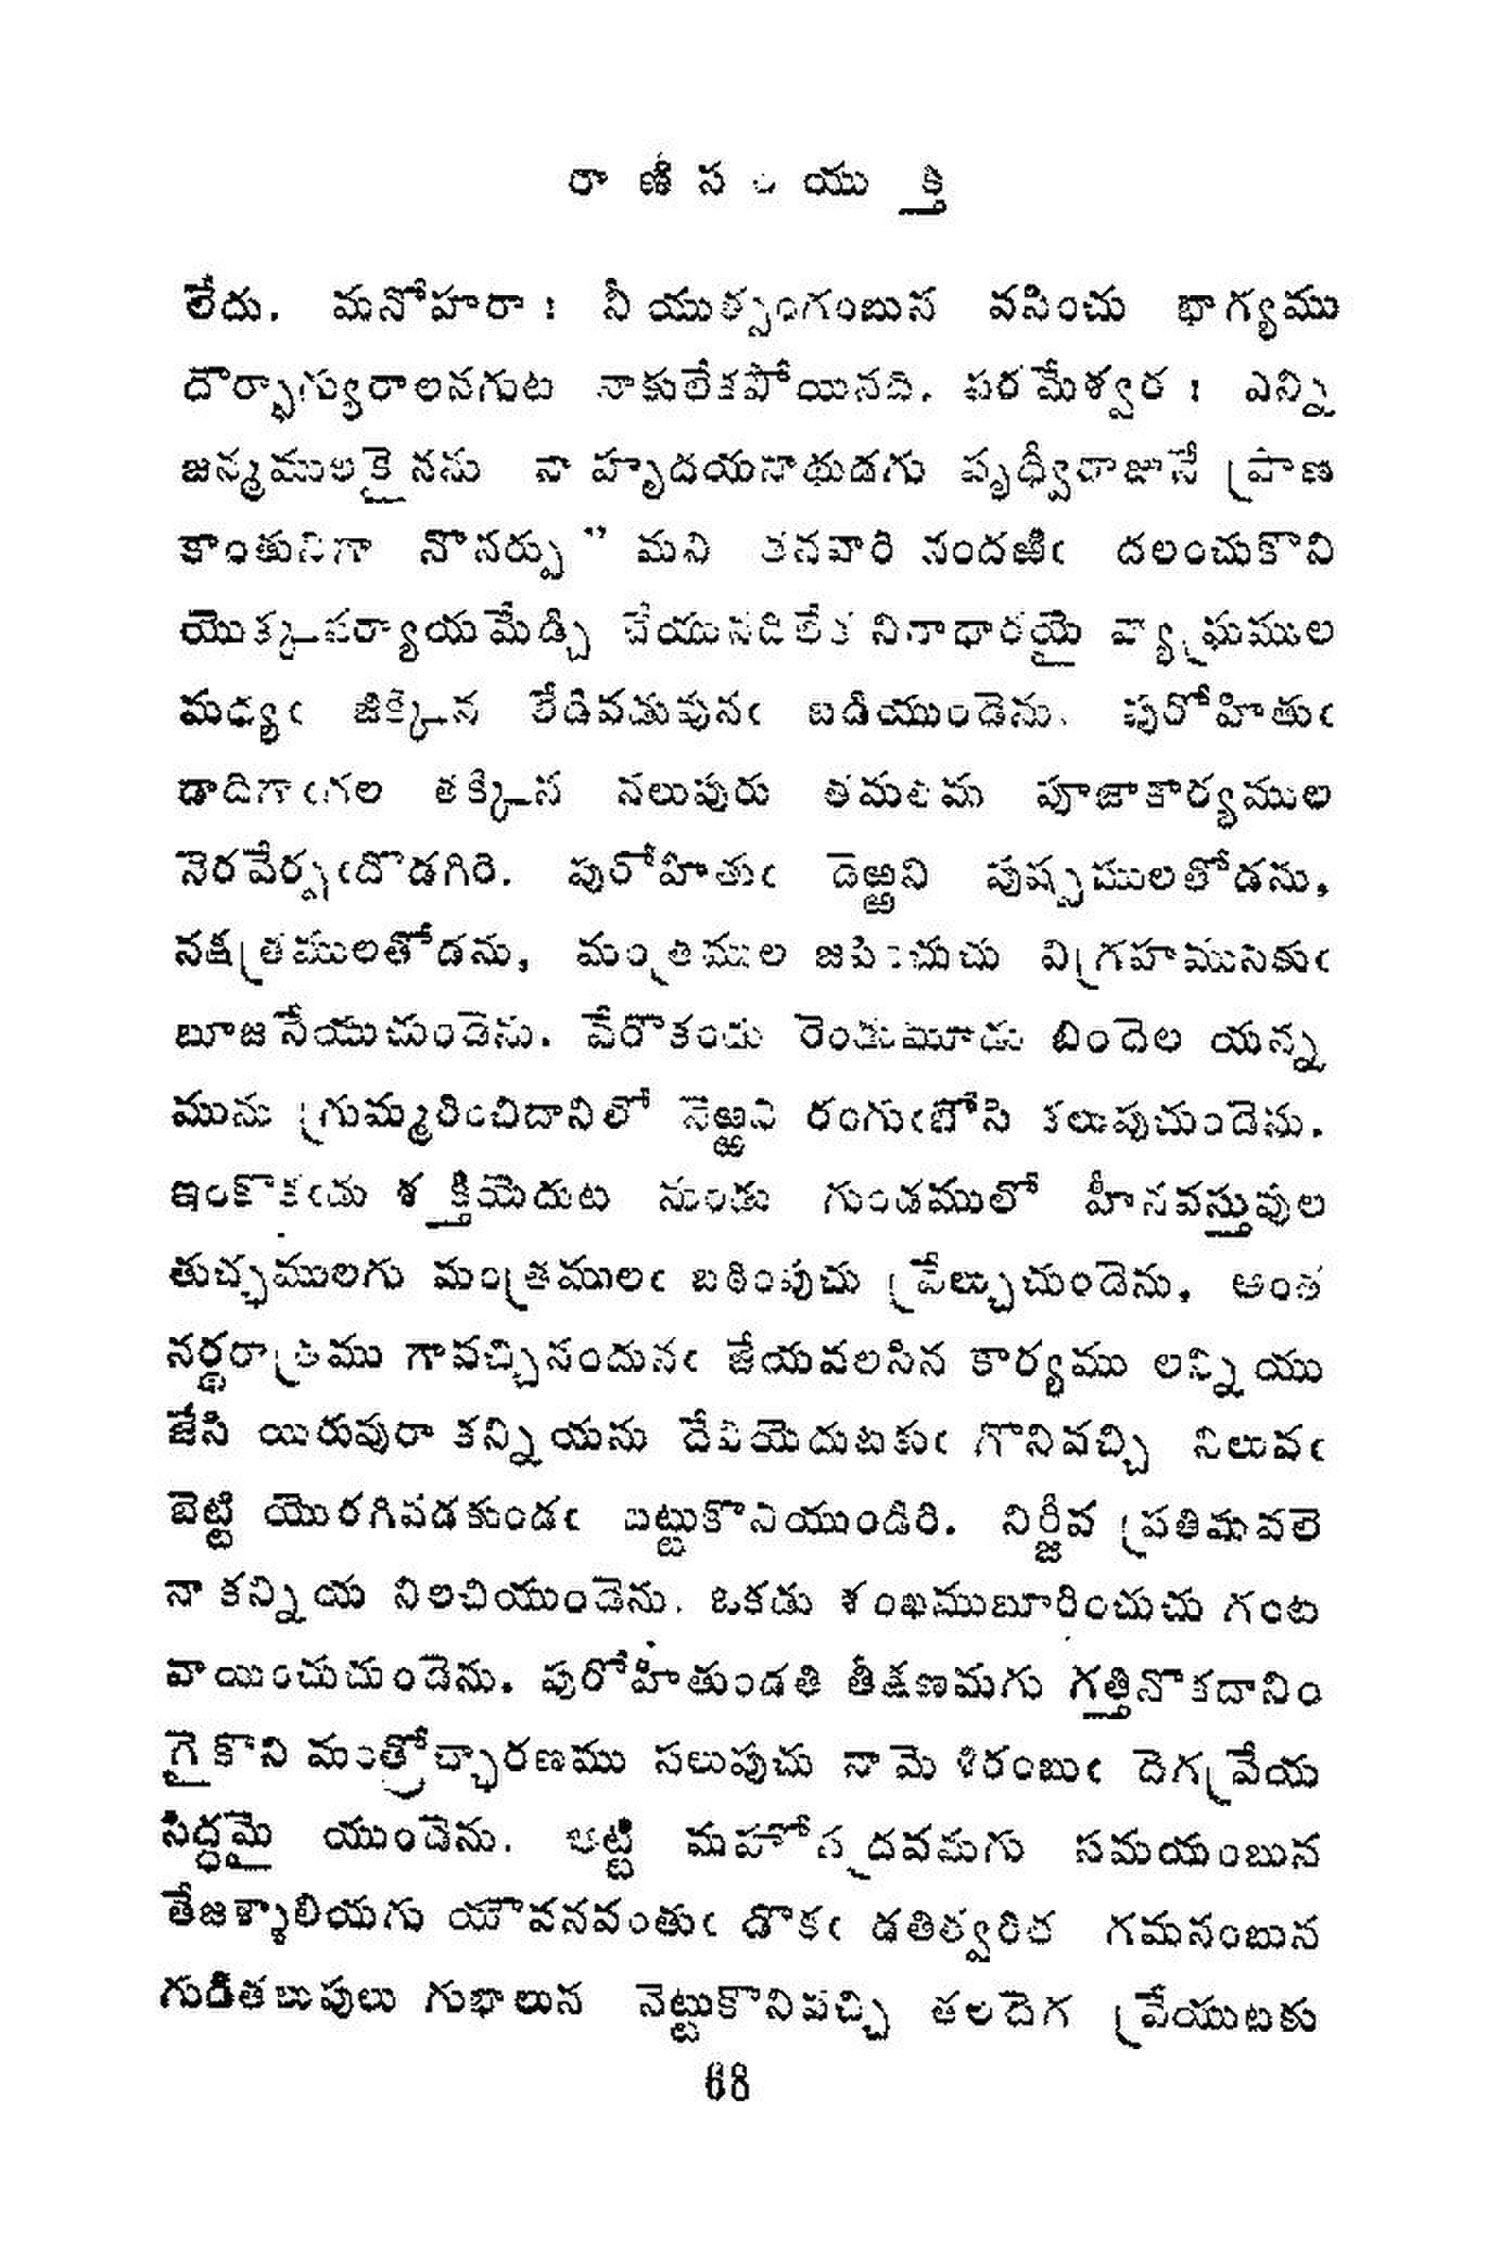లేదు. మనోహరా ! నీ యుత్సంగంబుస వసించు భాగ్యము దౌర్భాగ్యురాలనగుట నాకులేకపోయినది. పరమేశ్వర ! ఎన్ని జన్మములకైనను నీ హృదయనాథుడగు పృధ్వీరాజునే ప్రాణ కాంతునిగా నొనర్పు " మని తనవారి నందఱిఁ దలంచుకొని యొక్క పర్యాయమేడ్చి చేయునదిలేక నిరాధారయై వ్వాఘ్రముల మధ్యఁ జిక్కిన లేడివడువునఁ బడియుండెను, పురోహితుఁ డాదిగాఁగల తక్కిన నలుపురు తమతమ పూజాకార్యముల నెరవేర్పఁదొడగిరి. పురోహితుఁ డెఱ్ఱని పుష్పములతోడను, నక్షత్రములతోడను, మంత్రముల జపించుచు విగ్రహమునకుఁ బూజసేయుచుండెను. వేరొకండు రెండుమూడు బిందెల యన్నమును గుమ్మరించిదానిలో నెఱ్ఱని రంగుఁబోసి కలుపుచుండెను. ఇంకొకఁడు శక్తియెదుట నుండు గుండములో హీనవస్తువుల తుచ్ఛములగు మంత్రములఁ బఠింపుచు వ్రేల్చుచుండెను, ఆంత నర్థరాత్రము గావచ్చినందునఁ జేయవలసిన కార్యము లన్నియు జేసి యిరువురా కన్నియను లేపియెదుటకుఁ గొనివచ్చి నిలువఁబెట్టి యొరగిపడకుండఁ బట్టుకొనియుండిరి. నిర్జీవ ప్రతిమవలె నా కన్నియ నిలచియుండెను. ఒకడు శంఖముబూరించుచు గంట వాయించుచుండెను. పురోహితుండతి తీక్షణమగు గత్తినొకదానిం గైకొని మంత్రోచ్చారణము సలుపుచు నామె శిరంబుఁ దెగవ్రేయ సిద్ధమై యుండెను. అట్టి మహోపద్రవమగు సమయంబున తేజశ్ళాలియగు యౌవనవంతుఁ డొకఁ డతిత్వరిత గమనంబున గుడితలుపులు గుభాలున నెట్టుకొనివచ్చి తలదెగ వ్రేయుటకు